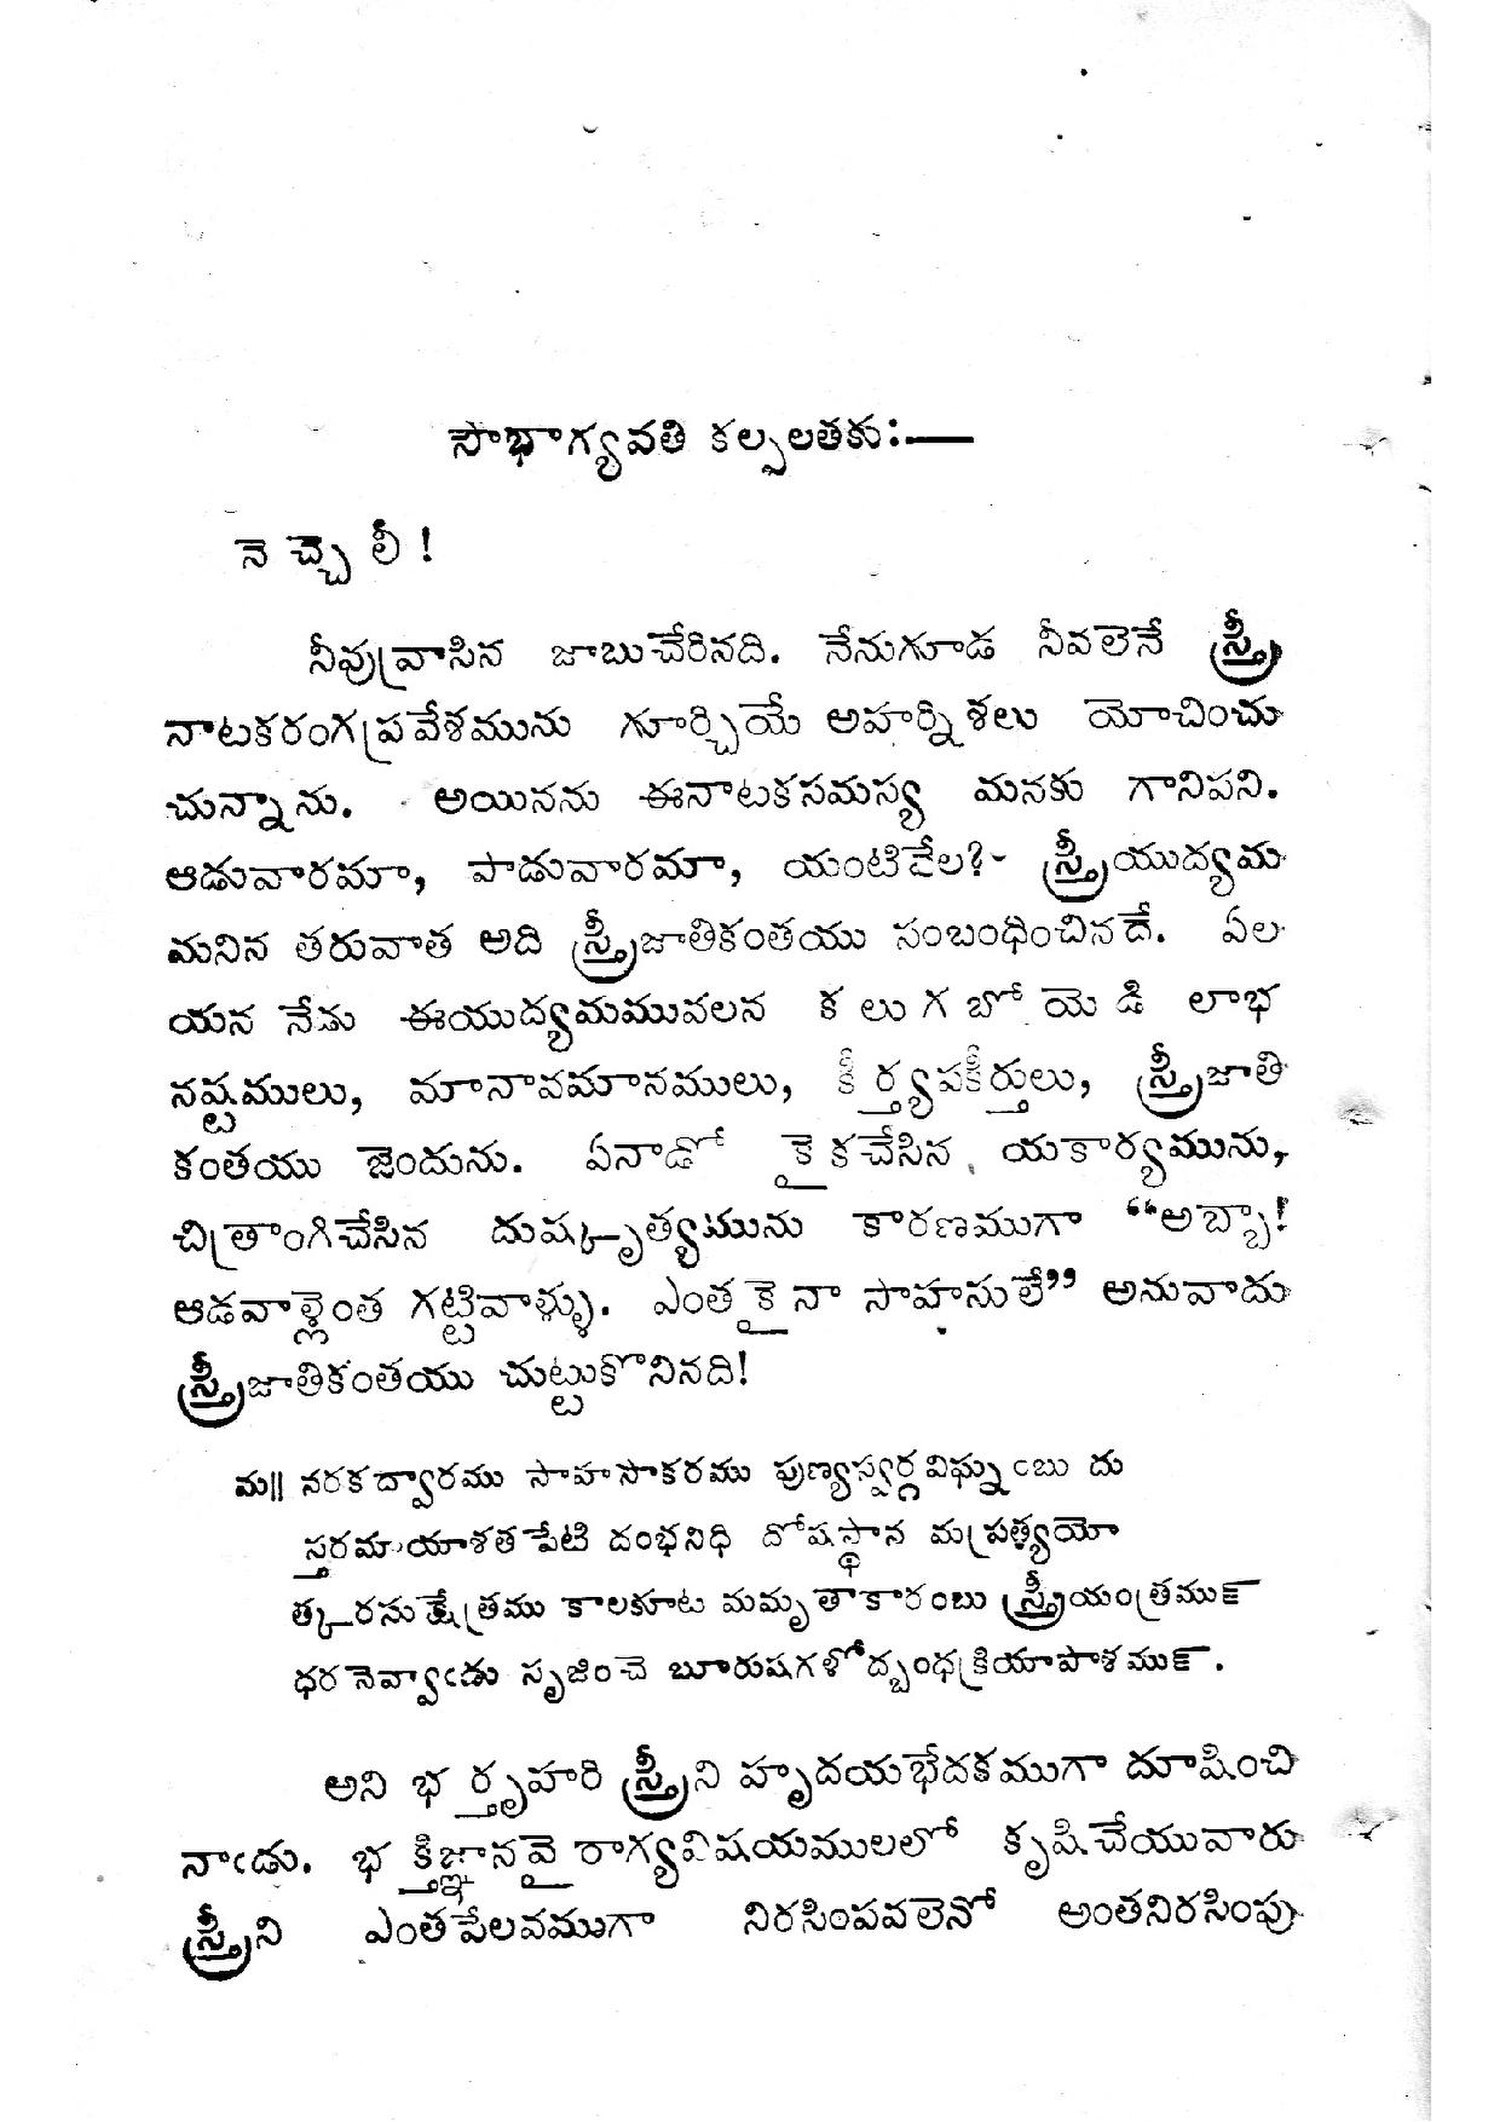నెచ్చెలీ!

నీవువ్రాసిన జాబుచేరినది. నేనుగూడ నీవలెనే స్త్రీ నాటకరంగప్రవేశమును గూర్చియే అహర్నిశలు యోచించు
చున్నాను. అయినను ఈనాటకసమస్య మనకు గానిపని. ఆడువారమా, పాడువారమా, యంటివేల? స్త్రీయుద్యమ మనిన తరువాత అది స్త్రీజాతికంతయు సంబంధించినదే. ఏల యన నేడు ఈయుద్యమమువలన కలుగబోయెడి లాభ నష్టములు, మానావమానములు, కీర్త్యపకీర్తులు, స్త్రీజాతి
కంతయు జెందును. ఏనాడో కైకచేసిన యకార్యమును, చిత్రాంగిచేసిన దుష్కృత్యమును కారణముగా "అబ్బా! ఆడవాళ్లెంత గట్టివాళ్ళు. ఎంతకైనా సాహసులే” అనువాదు స్త్రీజాతికంతయు చుట్టుకొనినది!

మ॥ నరకద్వారము సాహసాకరము పుణ్యస్వర్గవిఘ్నంబు దు
 స్తరమాయాశతపేటి దంభనిధి దోషస్థాన మప్రత్యయో
 త్కరసుక్షేత్రము కాలకూట మమృతాకారంబు స్త్రీయంత్రమున్
 ధరనెవ్వాఁడు సృజించె బూరుషగళోద్బంధక్రియాపాశమున్.

అని భర్తృహరి స్త్రీని హృదయభేదకముగా దూషించినాఁడు. భక్తిజ్ఞానవైరాగ్యవిషయములలో కృషిచేయువారు
స్త్రీని ఎంతపేలవముగా నిరసింపవలెనో అంతనిరసింపు